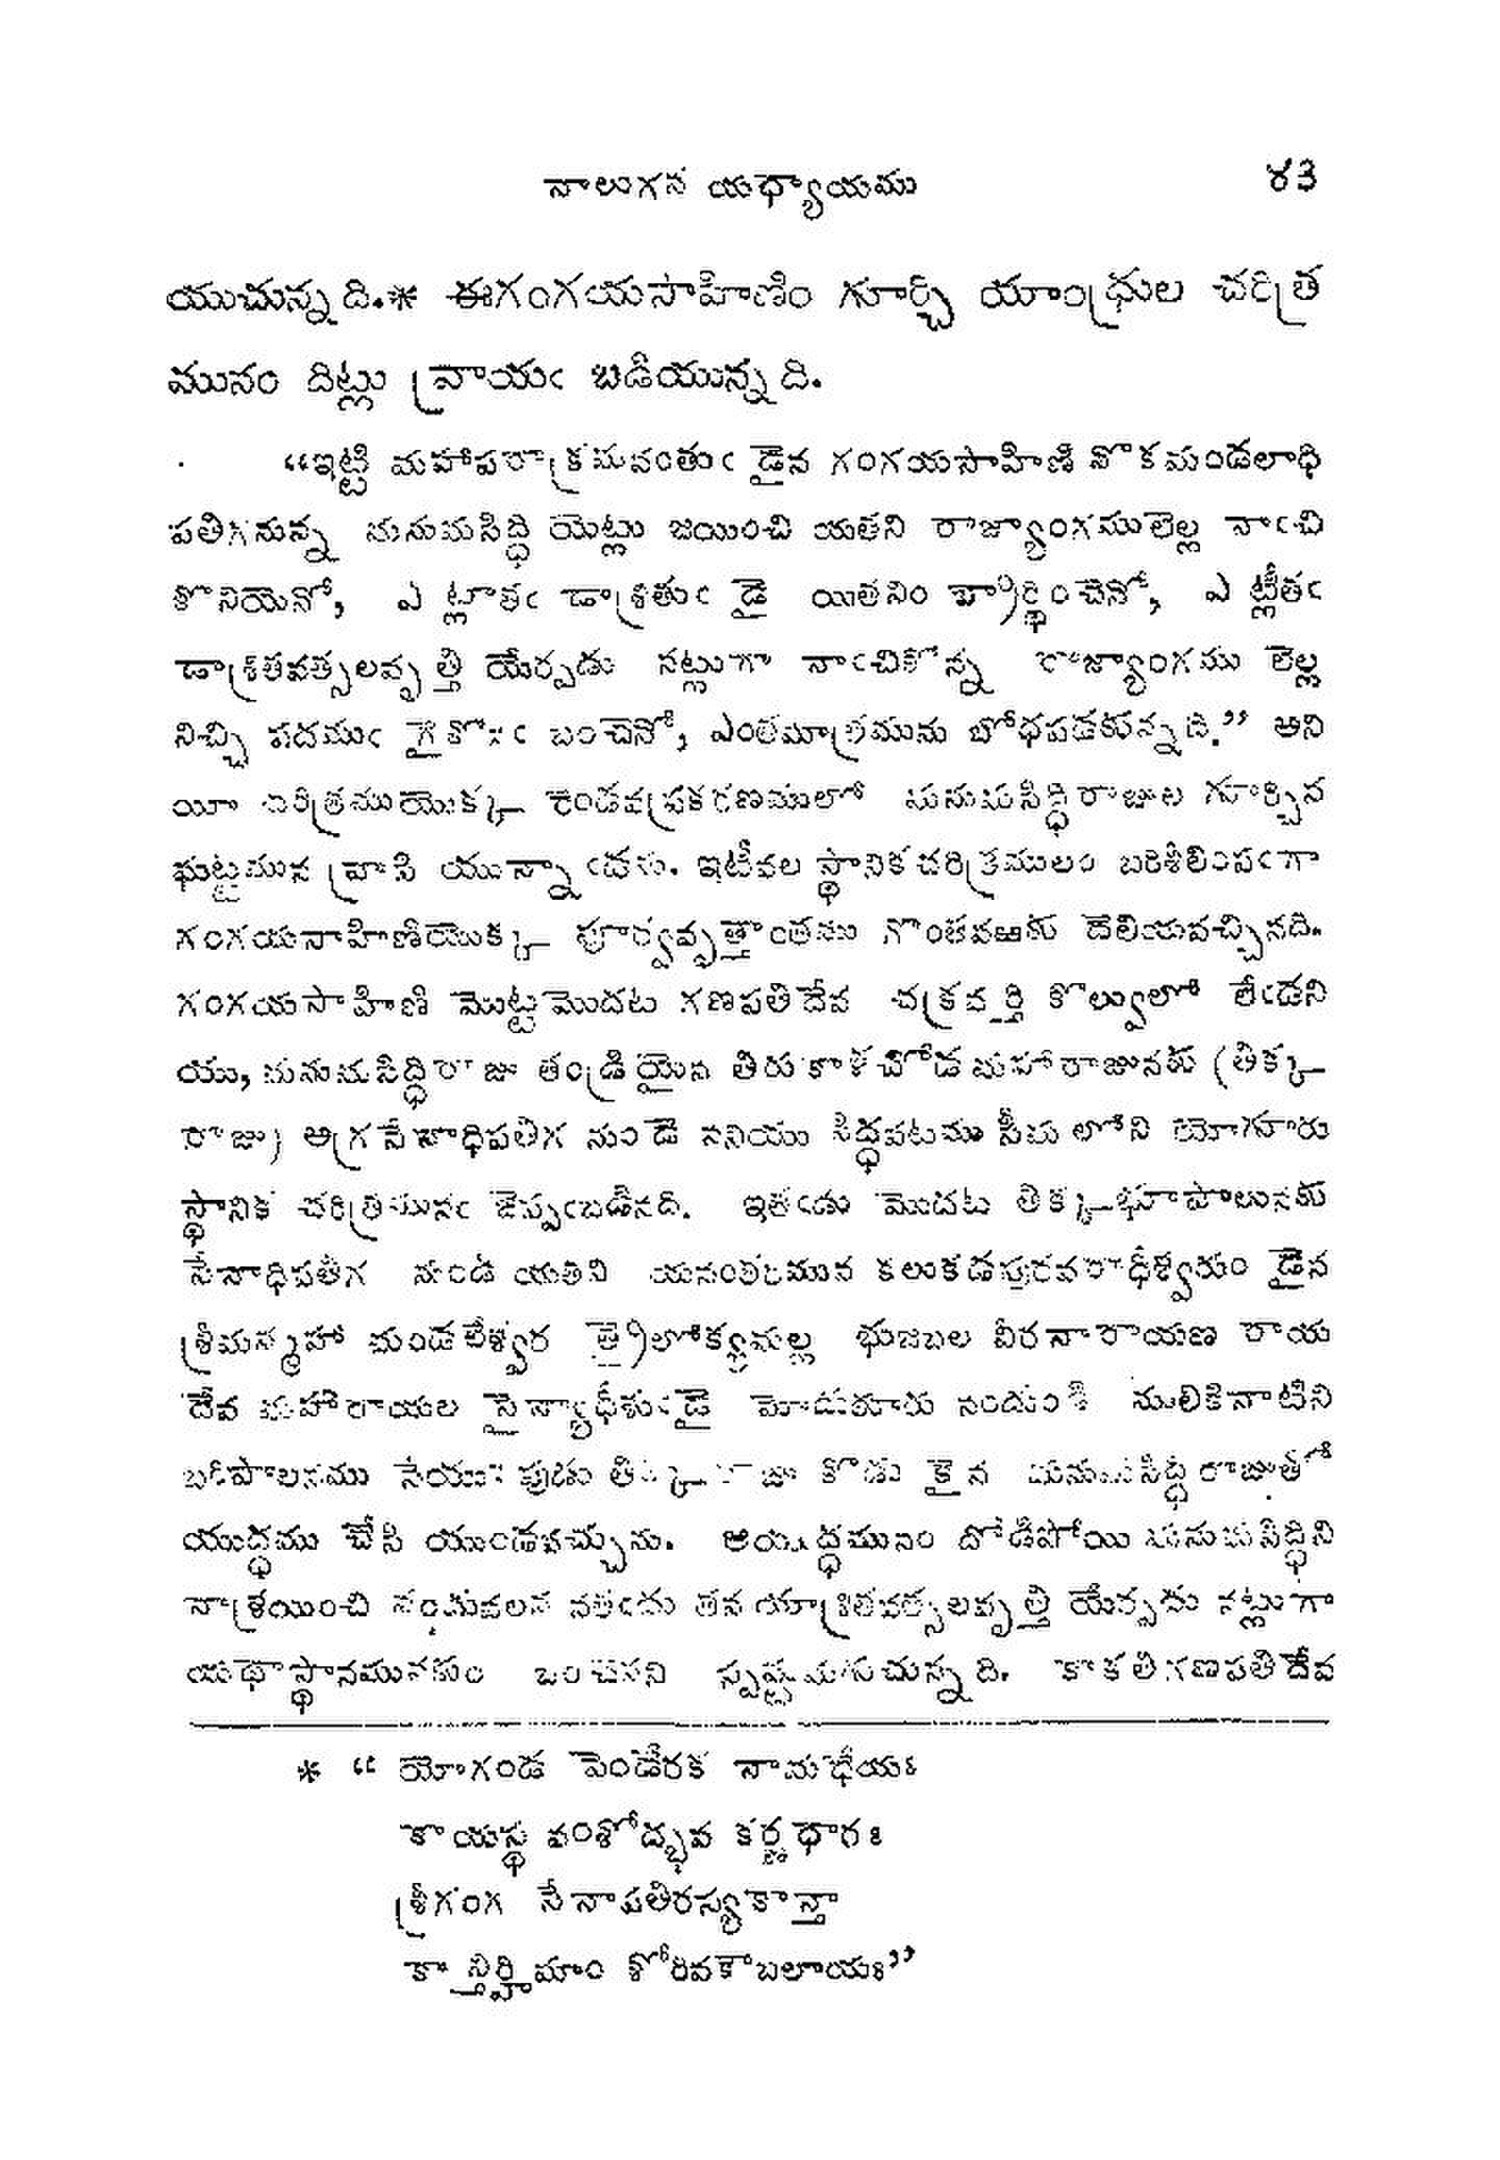యుచున్నది. ఈగంగయసాహిణిం గూర్చి యాంధ్రుల చరిత్రమునం దిట్లు వ్రాయఁ బడియున్నది. 

"ఇట్టి మహాపరాక్రమవంతుఁ డైన గంగయసాహిణి వొకమండలాధిపతిగనున్న మనుమసిద్ధి యెట్లు జయించి యతని రాజ్యాంగములెల్ల నాఁచికొనియెనో, ఎట్లాతఁ డాశ్రితుఁ డై యితనిం బ్రార్థించెనో, ఎట్లీతఁడాశ్రితవత్సలవృత్తి యేర్పడు నట్లుగా నాఁచికొన్న రాజ్యాంగము లెల్ల నిచ్చి పదముఁ గైకొనC బంచెనో, ఎంతమాత్రమును బోధపడకున్నది.” అని యీ చరిత్రముయొక్క రెండవప్రకరణములో మనుమసిద్ధిరాజుల గూర్చిన ఘట్టమున వ్రాసి యున్నాఁడను. ఇటీవల స్థానికచరిత్రములం బరిశీలింపఁగా గంగయసాహిణీయొక్క పూర్వవృత్తాంతము గొంతవఱకు దెలియవచ్చినది. గంగయసాహిణి మొట్టమొదట గణపతిదేవ చక్రవర్తి కొల్వులో లేఁడనియు, మనుమసిద్ధిరాజు తండ్రియైన తిరుకాళచోడమహారాజునకు (తిక్కరాజు) అగ్రసేనాధిపతిగ నుండె ననియు సిద్దపటముసీమ లోని యోగూరు స్థానిక చరిత్రమునఁ జెప్పఁబడినది. ఇతఁడు మొదట తిక్కభూపాలునకు సేనాధిపతిగ నుండి యతిని యనంతరమున కలుకడపురవరాధీశ్వరుం డైన శ్రీమన్మహా మండలేశ్వర త్రైలోక్యమల్ల భుజబల వీరనారాయణ రాయదేవ మహారాయల సైన్యాధీశుఁడై మోదుకూరు నందుండి ములికినాటిని బరిపాలనము సేయునపుడు తిక్కరాజు కొడుకైన మనుమసిద్దిరాజుతో యుద్ధము చేసి యుండవచ్చును. ఆయుద్దమునం దోడిపోయి మనుమసిద్ధిని నాశ్రయించి నందువలన నతఁడు తన యాశ్రితవత్సలవృత్తి యేర్పడు నట్లుగా యథాస్థానమునకుం బంచెనని స్పష్టమగుచున్నది. కాకతిగణపతి దేవ